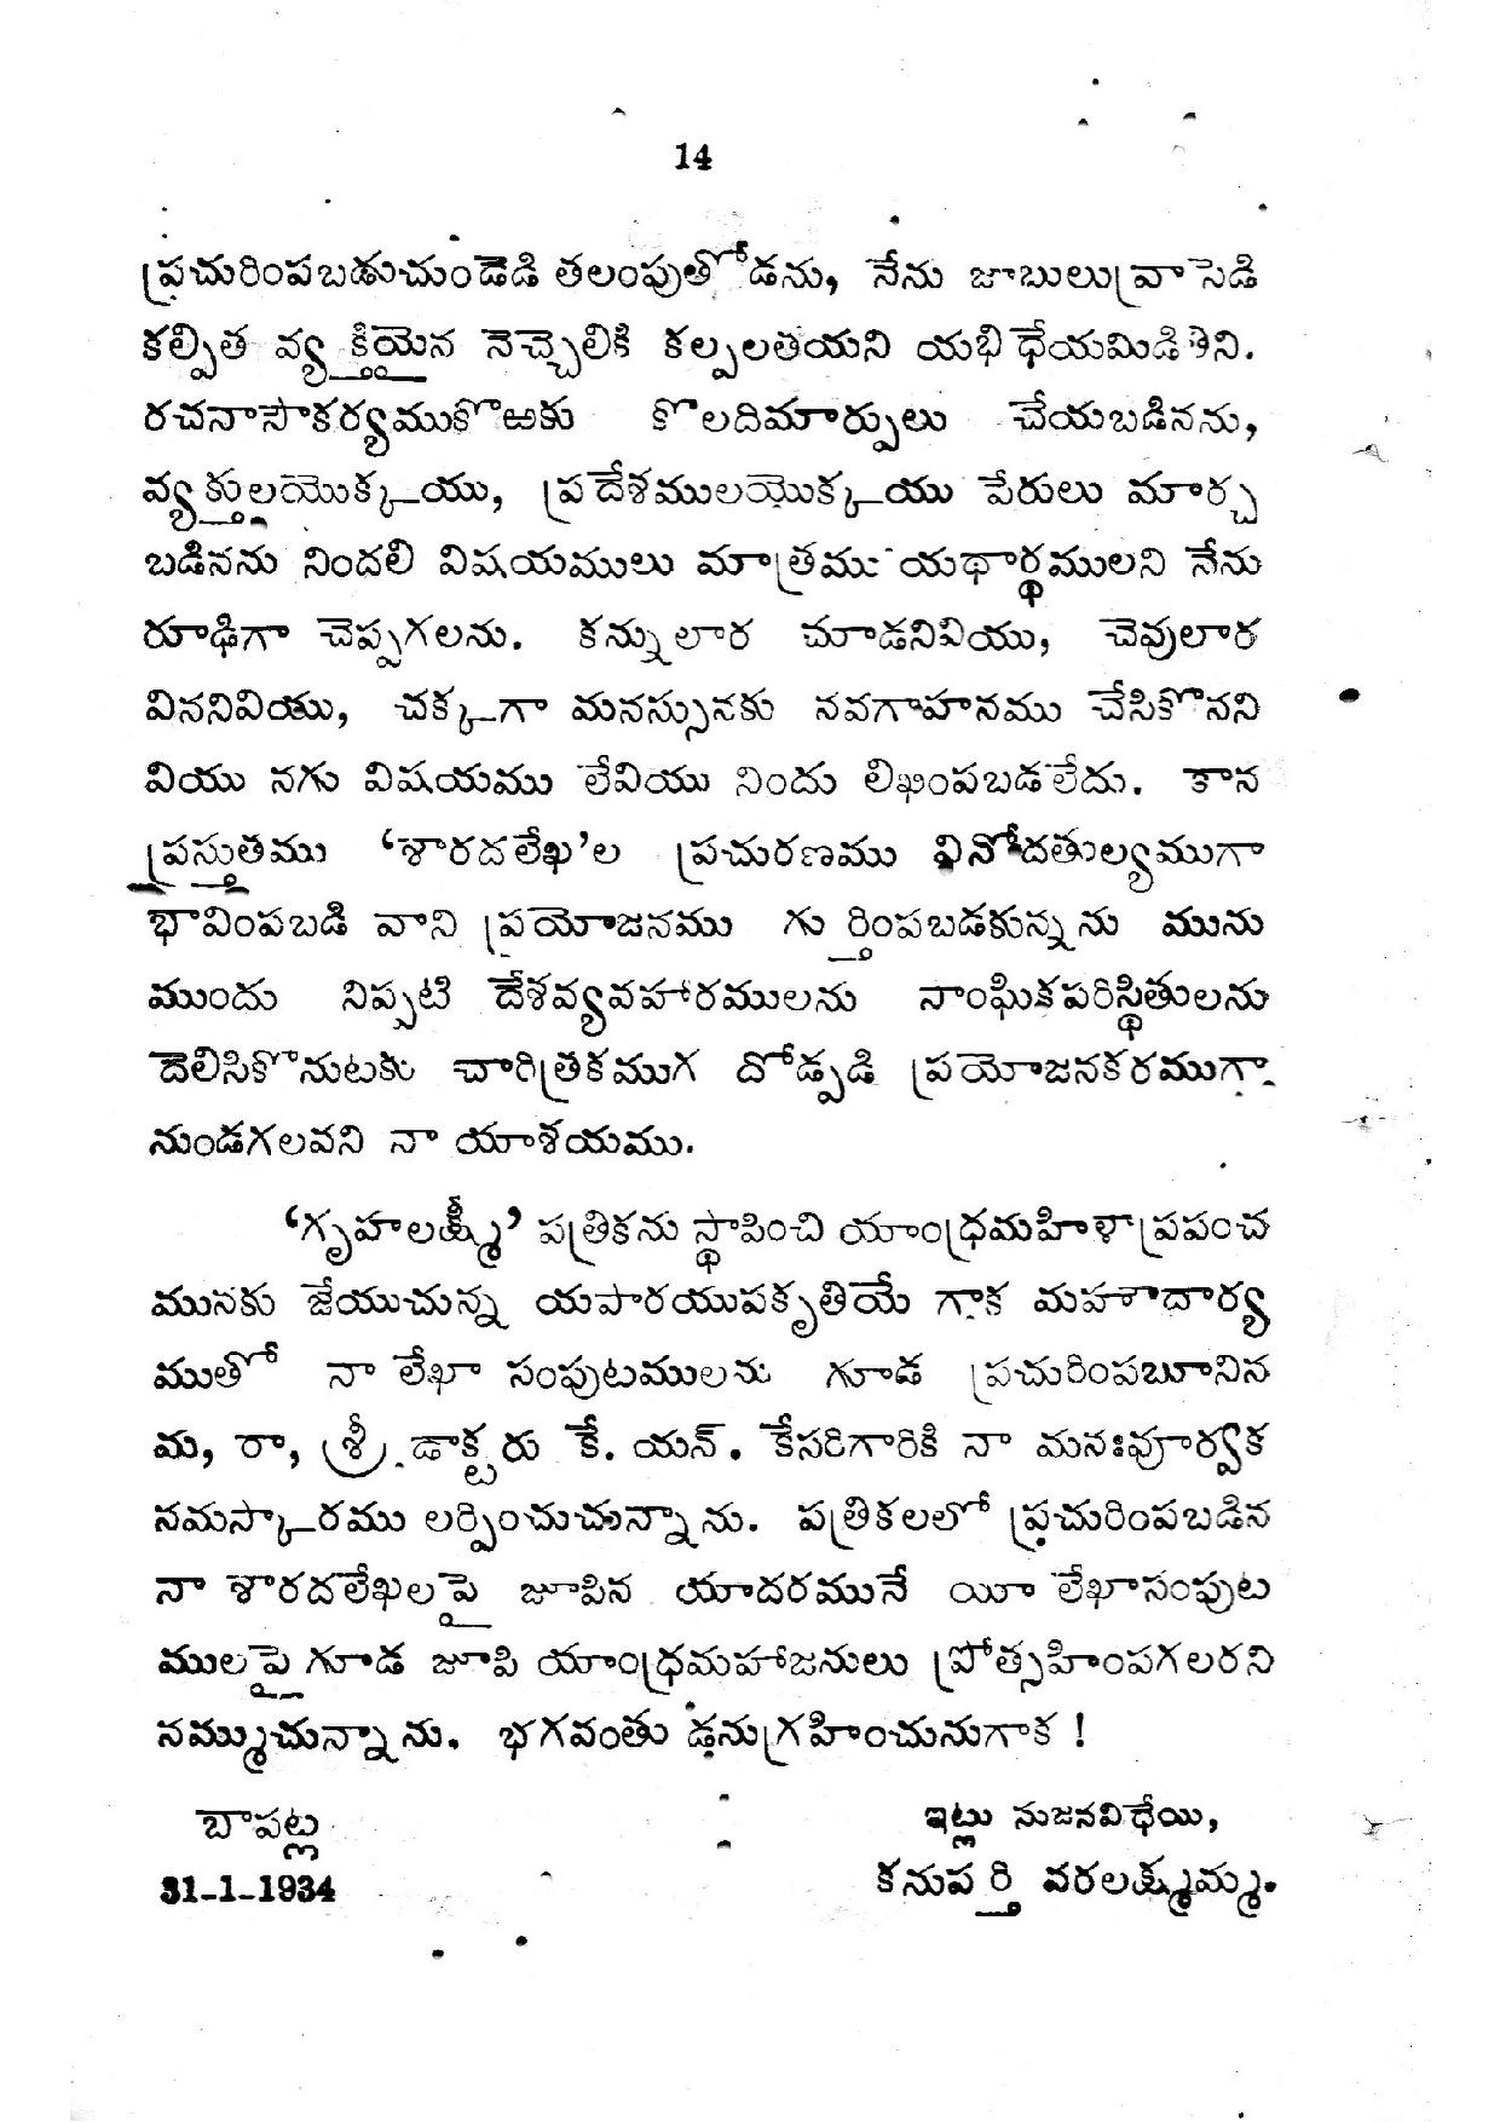ప్రచురింపబడుచుండెడి తలంపుతోడను, నేను జాబులువ్రాసెడి కల్పిత వ్యక్తియైన నెచ్చెలికి కల్పలతయని యభిధేయమిడితిని. రచనాసౌకర్యముకొఱకు కొలదిమార్పులు చేయబడినను, వ్యక్తులయొక్కయు, ప్రదేశములయొక్కయు పేరులు మార్చబడినను నిందలి విషయములు మాత్రము యథార్థములని నేను
రూఢిగా చెప్పగలను. కన్నులార చూడనివియు, చెవులార విననివియు, చక్కగా మనస్సునకు నవగాహనము చేసికొననివియు నగు విషయము లేవియు నిందు లిఖింపబడలేదు. కాన ప్రస్తుతము 'శారదలేఖ’ల ప్రచురణము వినోదతుల్యముగా భావింపబడి వాని ప్రయోజనము గుర్తింపబడకున్నను మును
ముందు నిప్పటి దేశవ్యవహారములను సాంఘికపరిస్థితులను దెలిసికొనుటకు చారిత్రకముగ దోడ్పడి ప్రయోజనకరముగా నుండగలవని నా యాశయము.

'గృహలక్ష్మీ' పత్రికను స్థాపించి యాంధ్రమహిళా ప్రపంచమునకు జేయుచున్న యపారయుపకృతియే గాక మహౌదార్యముతో నా లేఖా సంపుటములను గూడ ప్రచురింపబూనిన మ, రా, శ్రీ డాక్టరు కే. యన్. కేసరిగారికి నా మనఃపూర్వక నమస్కారము లర్పించుచున్నాను. పత్రికలలో ప్రచురింపబడిన నా శారదలేఖలపై జూపిన యాదరమునే యీ లేఖాసంపుటములపైగూడ జూపి యాంధ్రమహాజనులు ప్రోత్సహింపగలరని నమ్ముచున్నాను. భగవంతు డనుగ్రహించునుగాక !